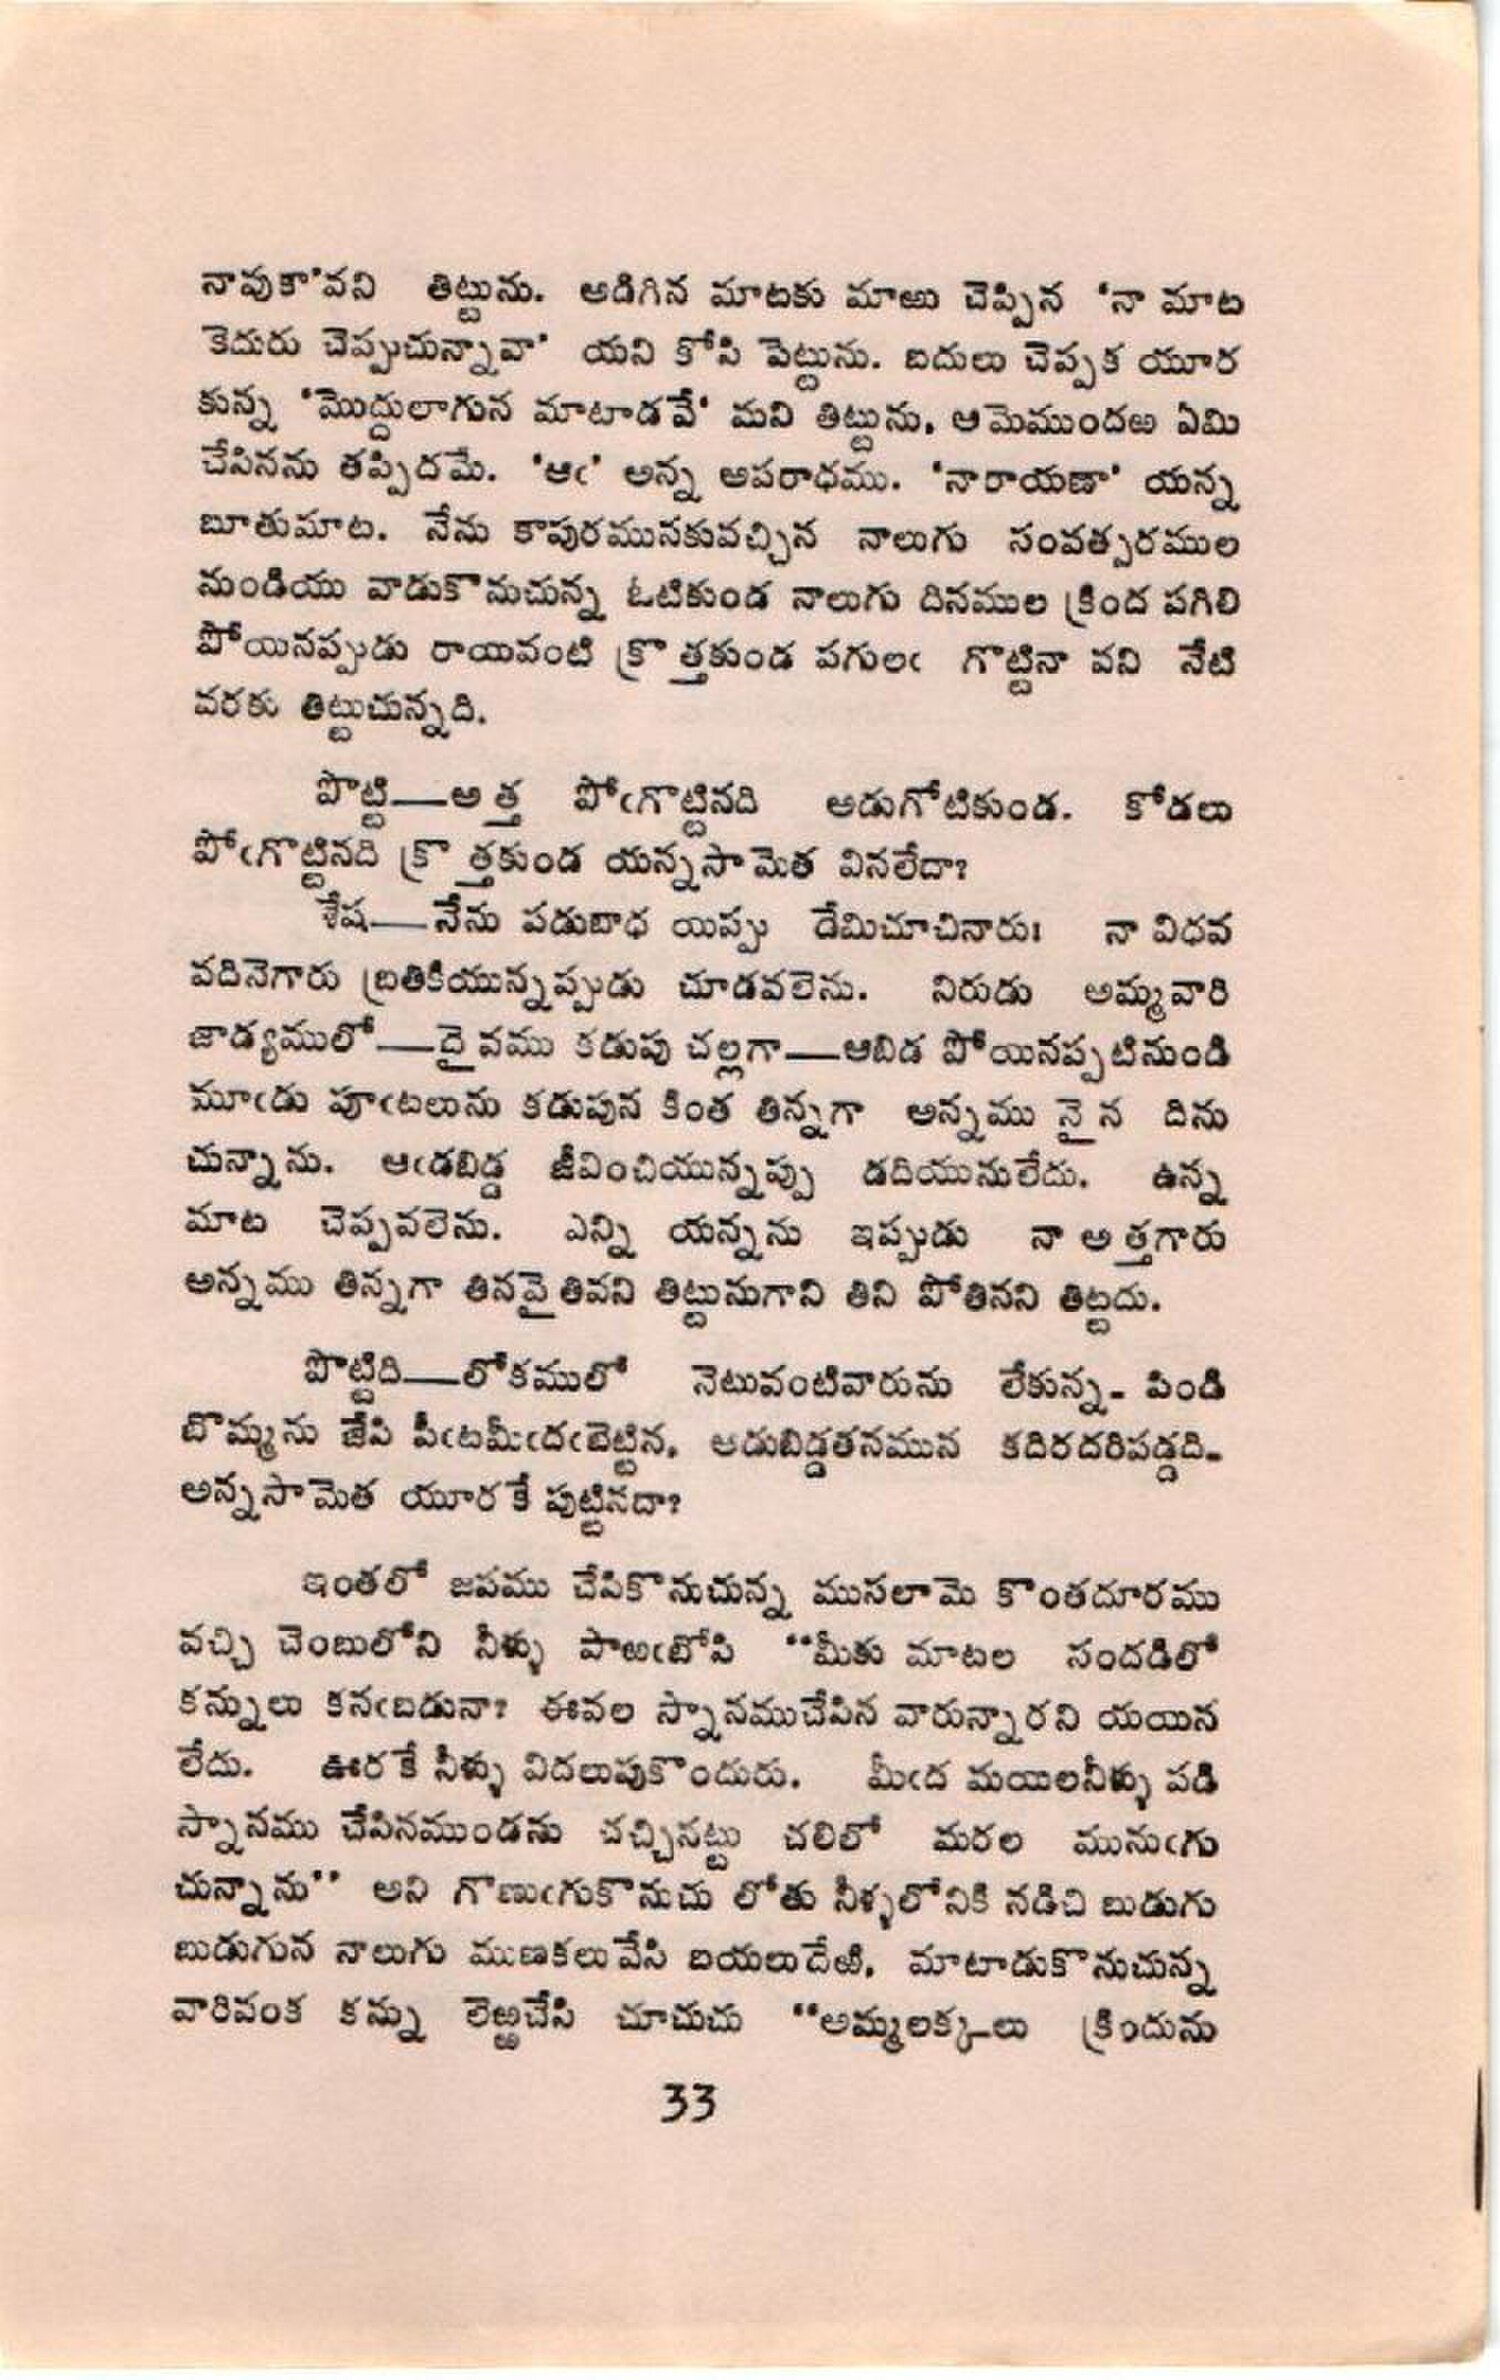నావుకా'వని తిట్టును. అడిగిన మాటకు మాఱు చెప్పిన "నా మాట కెదురు చెప్పచున్నావా' యని కోసి పెట్టును. బదులు చెప్పక యూర కున్న "మొద్దులాగున మాటాడ వే" మని తిట్టును. ఆమె ముందఱ ఏమి చేసినను తప్పిదమే. 'ఆఁ' అన్న అపరాధము. 'నారాయణా' యన్న బూతుమాట. నేను కాపురమునకువచ్చిన నాలుగు సంవత్సరముల నుండియు వాడుకొనుచున్న ఓటికుండ నాలుగు దినముల క్రింద పగిలి పోయినప్పడు రాయి వంటి క్రొత్తకుండ పగులఁ గొట్టినావని నేటి వరకు తిట్టుచున్నది.

పొట్టి__అత్త పోఁగొట్టినది అడుగోటికుండ, కోడలు పోఁగొట్టినది క్రొత్తకుండ యన్న సామెత వినలేదా?

శేష__నేను పడుబాధ యిప్పు డేమిచూచినారు! నా విధవ వదినెగారు బ్రతికియున్నప్పడు చూడవలెను. నిరుడు అమ్మవారి జాడ్యములో-దైవము కడుపు చల్లగా-ఆవిడ పోయినప్పటినుండి మూఁడు పూఁటలను కడుపున కింత తిన్నగా అన్నము నైన దిను చున్నాను. ఆఁడబిడ్డ జీవించియున్నప్పు డదియునులేదు. ఉన్న మాట చెప్పవలెను. ఎన్ని యన్నను ఇప్పుడు నా అ త్తగారు అన్నము తిన్నగా తినవైతివని తిట్టునుగాని తిని పోతినని తిట్టదు.

పొట్టిది__లోకములో నెటువంటివారును లేకున్న_ పిండి బొమ్మను చేసి పీఁటమీఁదఁబెట్టిన, ఆడుబిడ్డతనమున కదిరదరిపడ్డది -అన్న సామెత యూరకే పుట్టినదా?

ఇంతలో జపము చేసికొనుచున్న ముసలామె కొంతదూరము వచ్చి చెంబులోని లీళ్ళు పాఱబోసి "మీకు మాటల సందడిలో కన్నులు కనఁబడునా? ఈవల స్నానముచేసిన వారున్నారని యయిన లేదు. ఊరకే నీళ్ళు విదలుపుకొందురు. మీఁద మయిలనీళ్ళ పడి స్నానము చేసినముండను చచ్చినట్టు చలిలో మరల మునుఁగు చున్నాను" అని గొణుగుకొనుచు లోతు నీళ్ళలోనికి నడిచి బుడుగు బుడుగున నాలుగు ముణకలు వేసి బయలుదేఱి, మాటాడుకొనుచున్న వారివంక కన్ను లెఱ్ఱచేసి చూచుచు "అమ్మలక్కలు క్రిందును